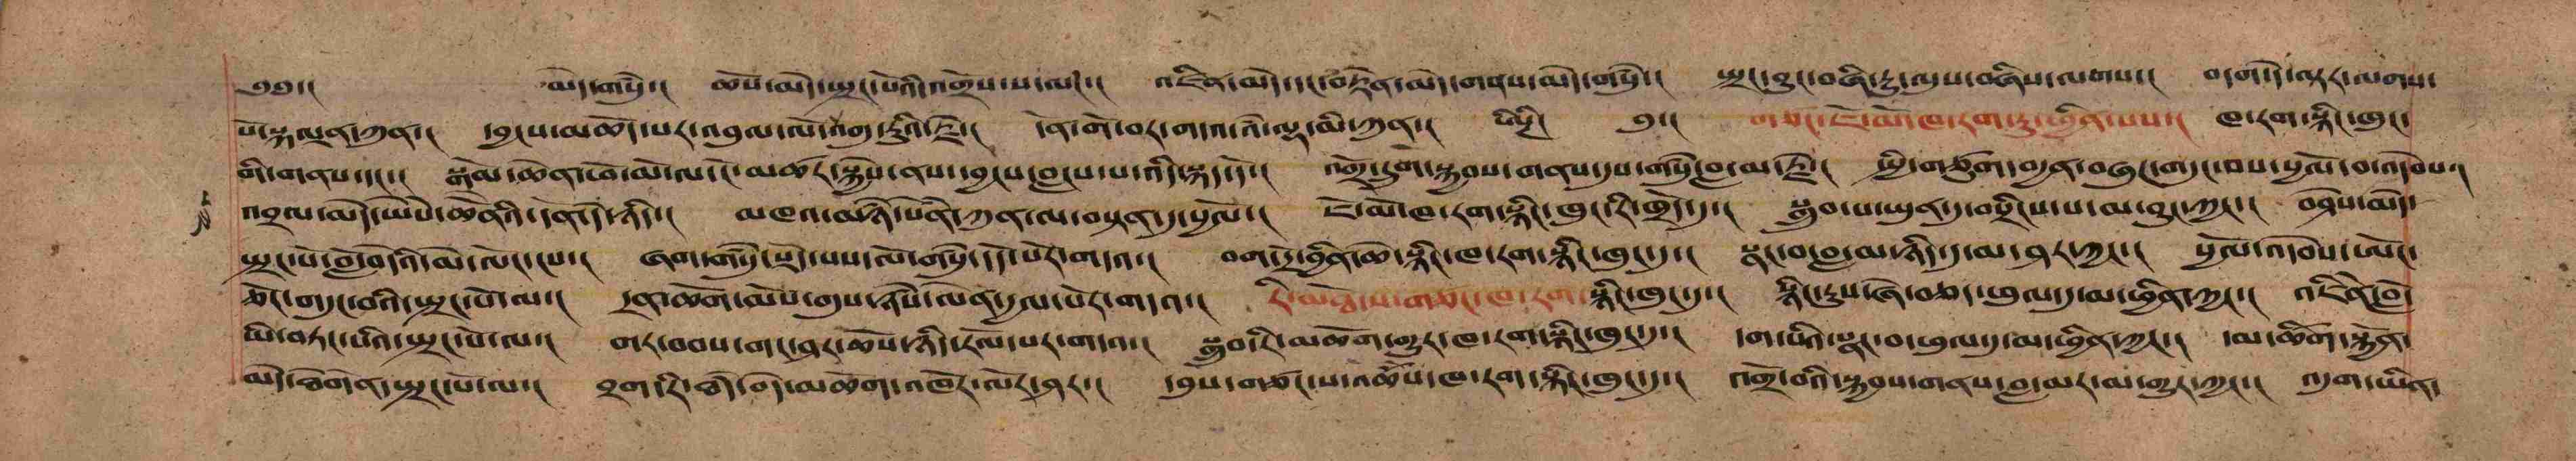༄༅་། མེད་གསུམ། ཆོས་མེད་སྤྲང་པོའི་འགྲོས་པ་ལགས། འཛིན་མེད་དང་བརྟེན་མེད་གནས་མེད་གསུམ། སྤྲང་བྱུང་བཞི་རྒྱུ་ལུས་བཞིས་ལགས། བདག་དེ་ལྟར་ལགས་
པོ་སྐལ་ལྡན་ཀུན། དབྱངས་མཆོད་པར་འབུལ་ལོ་འགུ་རུའི་རྗེ། དོན་གོ་བར་གདའ་འམ་ལྷ་མི་ཀུན། ཨིཊི། ༄་། གཙང་ཇོ་མོ་ཁ་རག་རུ་ཕྱིན་པས། ཁ་རག་སྙིང་གུང་
གི་གནས་དང་། སྒོམ་ཆེན་ཕོ་མོ་ལ་ངོ་མཚར་སྐྱེས་ནས་དབྱངས་བླངས་པ་འདི་སྐད་དོ། འགྲོ་དྲུག་སྐྱབས་གནས་དུས་གསུམ་བླ་མ་རྗེ། སྤྱི་གཙུག་བརྒྱན་བཞུགས་གདུང་བས་གསོལ་བ་འདེབས། 
འབྲལ་མེད་ཡེ་ཤེས་ཆེན་པོའི་དོན་དེ་ཉིད། མཁའ་མཉམ་སེམས་ཅན་ཀུན་ལ་བསྟན་དུ་གསོལ། ཇོ་མོ་ཁ་རག་སྙིང་ཁུང་རི་ཁྲོད་དུ། སྒྲུབ་པ་ཡུན་དུ་བསྲིངས་པ་མ་བྱུང་ཀྱང་། བཤོས་མེད་
སྤྲང་པོ་བློ་བདེའི་མེ་ལོང་ངས། ཞག་གསུམ་སྡོད་པས་ལོ་གསུམ་དོད་པོར་གདའ། བག་དྲོ་བྱིན་ཆེན་སྙིང་ཁ་རག་སྙིང་ཁུང་དུ། སྣང་བ་བླ་མ་ཉིད་དུ་མ་ཤར་ཀྱང་། གསོལ་འདེབས་ཨོང་
ཅོང་གདུང་བའི་སྤྲང་པོ་ལ། དྲན་ཆོག་མོས་གུས་ཉམས་ལེན་རྒྱལ་པོར་གདའ། རི་མཐོ་ས་གཙང་ཁ་རག་སྙིང་ཁུང་དུ། སྙིང་རུས་ཞེ་བཅད་ཕུལ་དུ་མ་ཕྱིན་ཀྱང་། འཇིག་རྟེན་བློ་
ཡི་བཏང་པའི་སྤྲང་པོ་ལ། གར་བབས་གང་ཤར་ཆོས་ཉིད་རོལ་པར་གདའ། སྒྲུབ་རི་མཆོག་གྱུར་ཁ་རག་སྙིང་ཁུང་དུ། དག་པའི་སྣང་བ་ཕུལ་དུ་མ་ཕྱིན་ཀྱང་། དམ་ཚིག་སྐྱོན་
མེད་ཐེག་ཆེན་སྤྲང་པོ་ལ། བྲག་རི་ཐམས་ཅད་བདེ་མཆོག་འཁོར་ལོར་ཤར། དབུས་གཙང་ས་འཚམས་ཁ་རག་སྙིང་ཁུང་དུ། འགྲོ་བའི་སྐྱབས་གནས་བླ་མར་མ་གྱུར་ཀྱང་། འདུག་ཡིན་